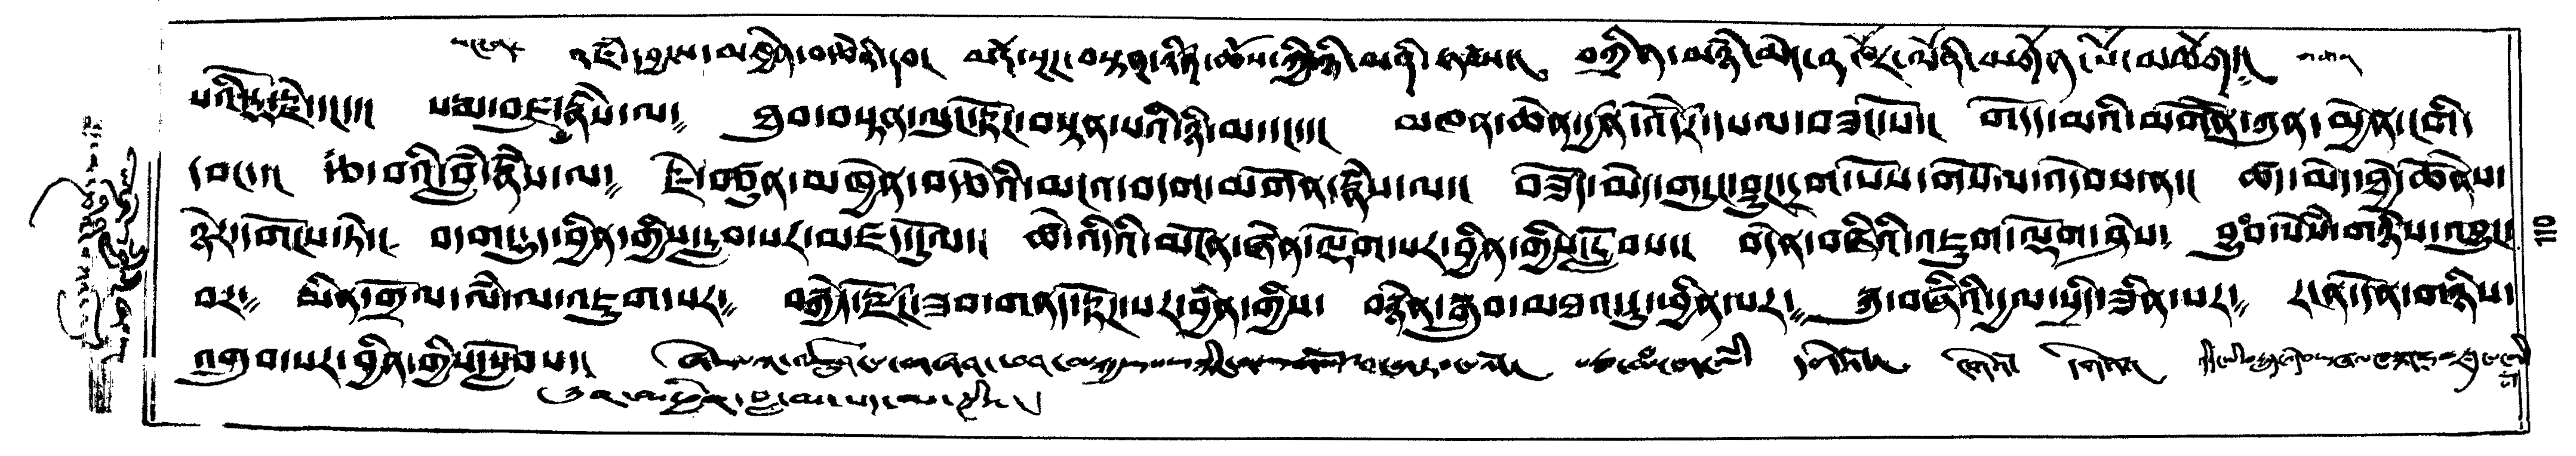ཡང་ན། འཇམ་དབྱངས་མཁྱེན་བརྩེའི་དབ། མདོ་སྔགས་བསྟན་འཛིན་ཆོས་ཀྱི་ཉི་མའི་ཞབས། བཀའ་དྲིན་མཉམ་མེད་འཁོར་ལོའི་མགོན་པོ་མཆོག 
པའི་རྡོ་རྗེ་དང་ པདྨ་བཛྲ་རྣམས་ལ་ ཐུབ་བསྟན་ལུང་རྟོགས་བསྟན་པའི་ཉི་མ་དང་། །མཁན་ཆེན་རྒྱལ་མཚན་འོད་ཟེར་དཔལ་བཟང་པོ། །གདོད་མའི་མགོན་པོ་ཀུན་མཁྱེན་ངག་གི་
དབང་། །རྩ་བའི་བླ་མ་རྣམས་ལ༴ རྗེ་བཙུན་མཁྱེན་བརྩེའི་མངའ་བདག་མགོན་རྣམས་ལ། །བཟོད་མེད་གདུང་ཤུགས་དྲག་པོས་གསོལ་འདེབས་ན། །ཚད་མེད་ཐུགས་རྗེ་ཆེན་པོས་
ཉེར་དགོངས་ཏེ། བདག་རྐྱད་བྱིན་གྱིས་རླབས་པར་མཛད་དུ་གསོལ། །ཚེ་འདིའི་མངོན་ཞེན་ལྡོག་པར་བྱིན་གྱིས་རློབས། །བདེན་བཞིའི་འཇུག་ལྡོག་ཤེས༴ །བྱང་ཆུབ་སེམས་གཉིས་འབྱུང་
བར༴ སྨིན་གྲོལ་ལམ་ལ་འཇུག་པར༴ བསྐྱེད་རྫོགས་ཟབ་གནད་རྟོགས་པར་བྱིན་གྱིས༴ བསྙེན་སྒྲུབ་མཐའ་རུ་ཕྱིན་པར༴ སྐུ་བཞིའི་རྒྱལ་སྲིད་ཟིན་པར༴ རང་གཞན་དོན་གཉིས་
འགྲུབ་པར་བྱིན་གྱིས་རློབས།།ཞེས་པའང་བཙུན་པ་གཞན་ཕན་མཐའ་ཡས་པས་སྙིང་ནས་གསོལ་བ་གཏབ་པའོ།། སརྦ་མངྒ་ལཾ། དགེའོ།། དགེའོ།། འདི་ཡི་བརྒྱུད་འདེབས་ཞལ་བཀང་མཛད་པ་པོ་ནི། 
ཀུན་མཁྱེན་བླ་མ་པདྨ་མ་ཎིའོ།། །།